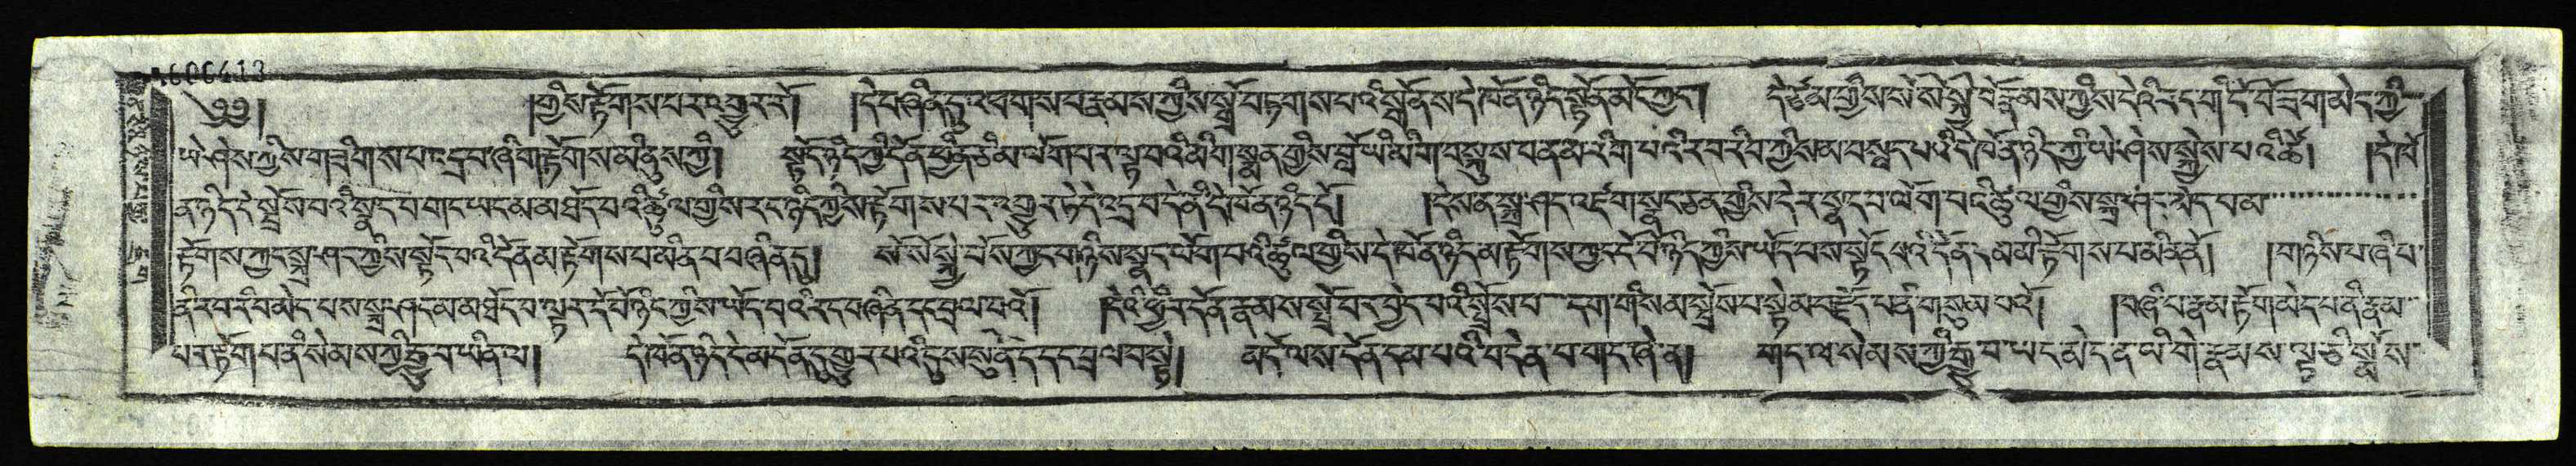༄༅། །གྱིས་རྟོགས་པར་འགྱུར་རོ། །དེ་བཞིན་དུ་འཕགས་པ་རྣམས་ཀྱིས་སྒྲོ་བཏགས་པའི་སྒོ་ནས་དེ་ཁོ་ན་ཉིད་སྟོན་མོད་ཀྱང་། དེ་ཙམ་གྱིས་སོ་སོ་སྐྱེ་བོ་རྣམས་ཀྱིས་དེའི་རང་གི་ངོ་བོ་ཟག་མེད་ཀྱི་
ཡེ་ཤེས་ཀྱིས་གཟིགས་པ་འདྲ་བ་ཞིག་རྟོགས་མི་ནུས་ཀྱི། སྟོང་ཉིད་ཀྱི་དོན་ཕྱིན་ཅི་མ་ལོག་པར་ལྟ་བའི་མིག་སྨན་གྱིས་བློ་ཡི་མིག་བསྐུས་པ་ན་མ་རིག་པའི་རབ་རིབ་ཀྱིས་མ་བསླད་པའི་དེ་ཁོ་ན་ཉིད་ཀྱི་ཡེ་ཤེས་སྐྱེས་པའི་ཚེ། །དེ་ཁོ་
ན་ཉིད་དེ་སྤྲོས་བའི་སྣང་བ་གང་ཡང་མ་མཐོང་བའི་ཚུལ་གྱིས་རང་ཉིད་ཀྱིས་རྟོགས་པར་འགྱུར་ཏེ་དེ་འདྲ་བ་དེ་ནི་དེ་ཁོ་ན་ཉིད་དོ། །དེས་ན་སྐྲ་ཤད་འཛག་སྣང་ཅན་གྱིས་དེར་སྣང་བ་ལོག་པའི་ཚུལ་གྱིས་སྐྲ་ཤད་མེད་པ་མ་
རྟོགས་ཀྱང་སྐྲ་ཤད་ཀྱིས་སྟོང་པའི་དོན་མ་རྟོགས་པ་མིན་པ་བཞིན་དུ། སོ་སོ་སྐྱེ་བོས་ཀྱང་གཉིས་སྣང་ལོག་པའི་ཚུལ་གྱིས་དེ་ཁོ་ན་ཉིད་མ་རྟོགས་ཀྱང་ངོ་བོ་ཉིད་ཀྱིས་ཡོད་པས་སྟོང་པའི་དོན་དམ་མི་རྟོགས་པ་མིན་ནོ། །གཉིས་པ་ཞི་བ་
ནི་རབ་རིབ་མེད་པས་སྐྲ་ཤད་མ་མཐོང་བ་ལྟར་ངོ་བོ་ཉིད་ཀྱིས་ཡོད་པའི་རང་བཞིན་དང་བྲལ་བའོ། །དེའི་ཕྱིར་དོན་རྣམས་སྤྲོ་བར་བྱེད་པའི་སྤྲོས་པ་དག་གིས་མ་སྤྲོས་པ་སྟེ་མ་བརྗོད་པ་ནི་གསུམ་པའོ། །བཞི་པ་རྣམ་རྟོག་མེད་པ་ནི་རྣམ་
པར་རྟོག་པ་ནི་སེམས་ཀྱི་རྒྱུ་བ་ཡིན་ལ། དེ་ཁོ་ན་ཉིད་དེ་མངོན་དུ་གྱུར་པའི་དུས་སུ་ན་དེ་དང་བྲལ་བ་སྟེ། མདོ་ལས་དོན་དམ་པའི་བདེན་པ་གང་ཞེ་ན། གང་ལ་སེམས་ཀྱི་རྒྱུ་བ་ཡང་མེད་ན་ཡི་གེ་རྣམས་ལྟ་ཅི་སྨོས་